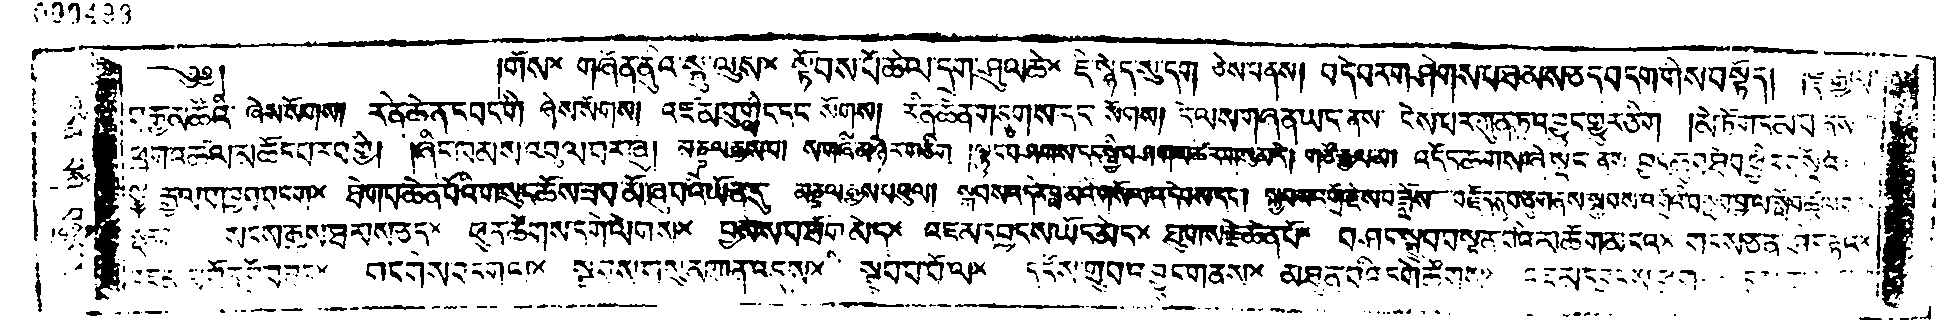༄༅། །གོས྾་གཞོན་ནུའི་སྐུ་ལུས྾་སྟོབས་པོ་ཆེ་ལ་དྲག་ཤུལ་ཆེ྾་ཇི་སྙེད་སུ་དག་ཅེས་པ་ནས།  བདེ་བར་གཤེགས་པ་ཐམས་ཅད་བདག་གིས་བསྟོད།། ༈ རྒྱལ་
བ་རྒྱ་མཚོའི་ཞེས་སོགས། རིན་ཆེན་དབང་གི་ཞེས་སོགས།  འཛམ་བུ་གླིང་དང་སོགས།  རིན་ཆེན་གདུགས་དང་སོགས།  དེ་ལས་གཞན་ཡང་ནས་ངེས་པར་ཀུན་ཏུ་འབྱུང་གྱུར་ཅིག །མེ་ཏོག་དམ་པ་ནས་
ཕྱག་འཚལ་མཆོད་པར་བགྱི། །ཞིང་ཁམས་འབུལ་བར་ཞུ། མཎྜལ་རྒྱས་པ། ས་གཞི་མ་ཉེར་གཅིག །ལྟུང་བཤགས་དང་སྤྱི་བཤགས་ཚར་གསུམ་རེ། གཙོ་རྒྱལ་མ། འདོད་ཆགས་ཞེ་སྡང་ནས་བྱང་ཆུབ་ཐོབ་ཕྱིར་བསྔོའོ། །
༈ རྒྱལ་བ་ཁྱབ་བདག྾་ཐེག་པ་ཆེན་པོའི་གསུང་ཆོས་ཟབ་མོ་ཞུ་བའི་ཡོན་དུ་མཎྜལ་རྒྱས་པ་ཕུལ། སྐབས་འདིར་བླ་མའི་གསོལ་འདེབས་དང་། སྐྱབས་འགྲོ་རྗེས་བཟློས་བརྗོད་དུ་བཅུག་ནས་སྐྱབས་འགྲོའི་བསླབ་བྱ་ལ་སློབ་ཚུལ་བཤད་
སླར༑ སངས་རྒྱས་ཐམས་ཅད྾་ཕུན་ཚོགས་དགེ་ལེགས྾་བྱམས་པ་ཐོགས་མེད྾་འཇམ་དབྱངས་ཡོད་མེད྾་ཐུགས་རྗེ་ཆེན་པོ྾་བཤད་སྒྲུབ་བསྟན་པའི་མཆོག་མངའ྾་གངས་ཅན་ཤིང་རྟའི་྾་
འཇམ་མགོན་བློ་བཟང྾་གང་གིས་བདག་ལ྾་སྐྱབས་གསུམ་ཀུན་འདུས་྾་སྒྲུབ་པ་པོ་ལ྾་དངོས་གྲུབ་འབྱུང་གནས྾་མཐུན་པའི་དགེ་ཚོགས྾་འཇམ་དབྱངས་ཕྱག་ན྾་དུས་གསུམ་